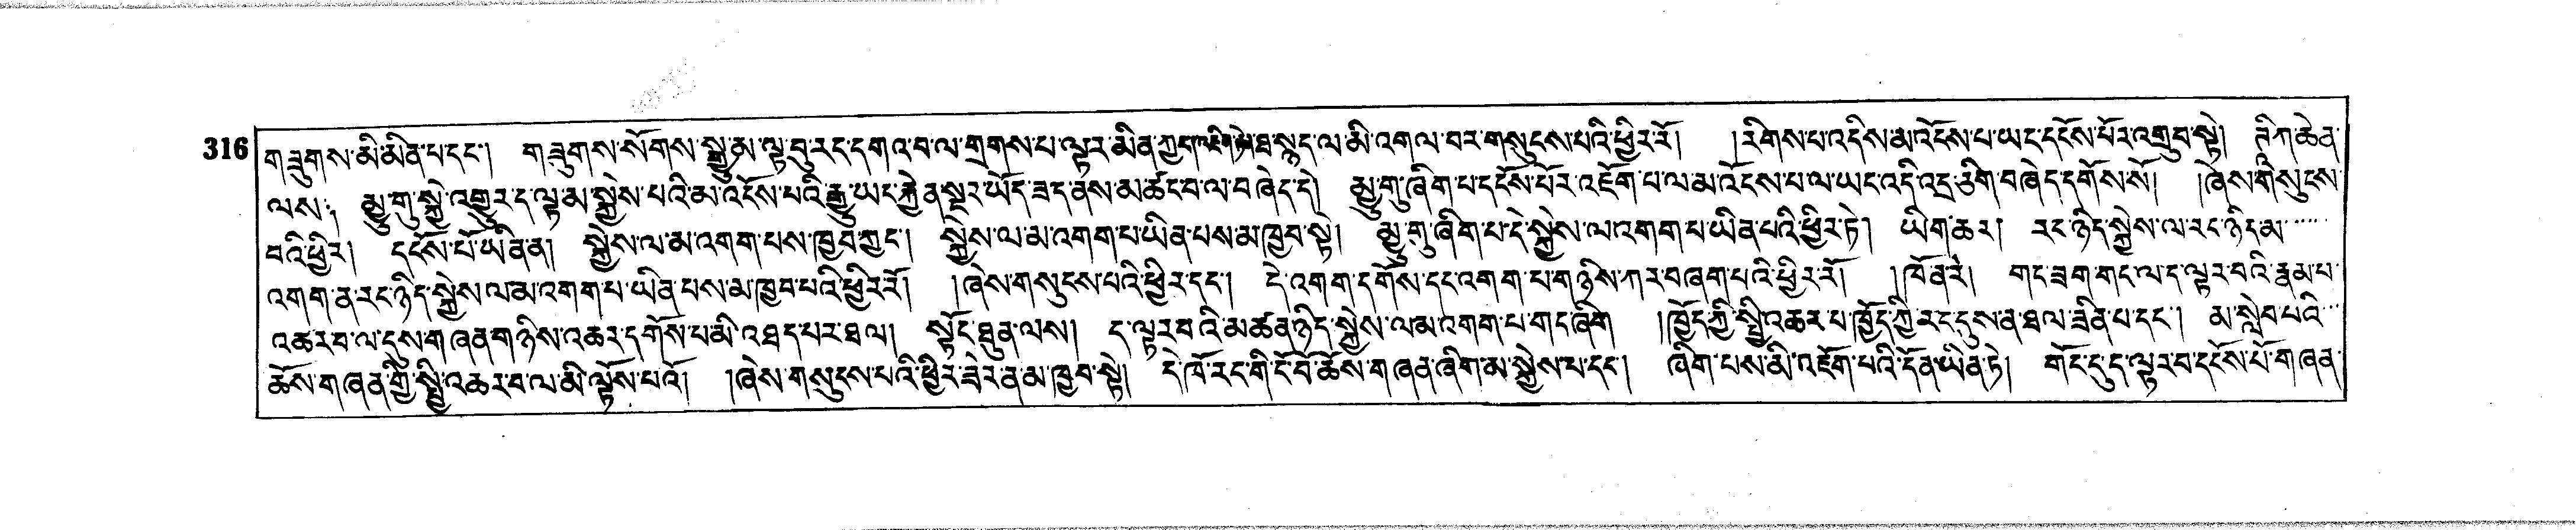གཟུགས་མི་མིན་པ་དང་། གཟུགས་སོགས་སྒྱུ་མ་ལྟ་བུ་རང་དགའ་བ་ལ་གྲགས་པ་ལྟར་མིན་ཀྱང་། འཇིག་རྟེན་ཐ་སྙད་ལ་མི་འགལ་བར་གསུངས་པའི་ཕྱིར་རོ། །རིགས་པ་འདིས་མ་འོངས་པ་ཡང་དངོས་པོར་འགྲུབ་སྟེ། ཊཱིཀ་ཆེན་
ལས༑ མྱུ་གུ་སྐྱེ་འགྱུར་ད་ལྟ་མ་སྐྱེས་པའི་མ་འོངས་པའི་རྒྱུ་ཡང་རྐྱེན་སྔར་ཡོད་ཟད་ནས་མ་ཚང་བ་ལ་བཞེད་དེ། མྱུ་གུ་ཞིག་པ་དངོས་པོར་འཇོག་པ་ལ་མ་འོངས་པ་ལ་ཡང་འདི་འདྲ་ཅིག་བཞེད་དགོས་སོ། །ཞེས་གསུངས་
བའི་ཕྱིར། དངོས་པོ་ཡིན་ན། སྐྱེས་ལ་མ་འགག་པས་ཁྱབ་ཀྱང་། སྐྱེས་ལ་མ་འགག་པ་ཡིན་པས་མ་ཁྱབ་སྟེ། མྱུ་གུ་ཞིག་པ་དེ་སྐྱེས་ལ་འགག་པ་ཡིན་པའི་ཕྱིར་ཏེ། ཡིག་ཆར། རང་ཉིད་སྐྱེས་ལ་རང་ཉིད་མ་
འགག་ན་རང་ཉིད་སྐྱེས་ལ་མ་འགག་པ་ཡིན་པས་མ་ཁྱབ་པའི་ཕྱིར་རོ། །ཞེས་གསུངས་པའི་ཕྱིར་དང་། དེ་འགག་དགོས་དང་འགག་པ་གཉིས་ཀར་བཞག་པའི་ཕྱིར་རོ། །ཁོ་ན་རེ། གང་ཟག་གང་ལ་ད་ལྟར་བའི་རྣམ་པ་
འཆར་བ་ལ་དུས་གཞན་གཉིས་འཆར་དགོས་པ་མི་འཐད་པར་ཐལ།